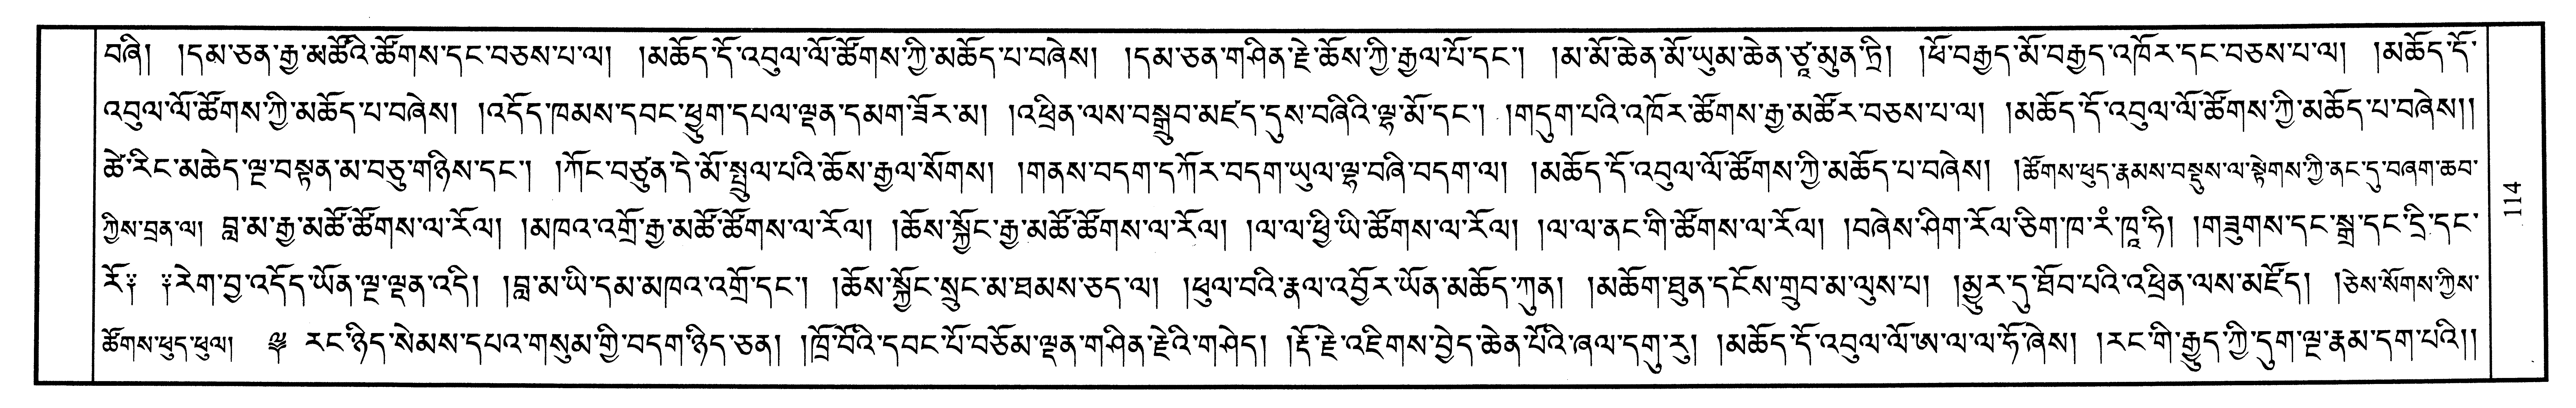བཞི། །དམ་ཅན་རྒྱ་མཚོའི་ཚོགས་དང་བཅས་པ་ལ། །མཆོད་དོ་འབུལ་ལོ་ཚོགས་ཀྱི་མཆོད་པ་བཞེས། །དམ་ཅན་གཤིན་རྗེ་ཆོས་ཀྱི་རྒྱལ་པོ་དང་། །མ་མོ་ཆེན་མོ་ཡུམ་ཆེན་ཙཱ་མུན་ཏྲི། །ཕོ་བརྒྱད་མོ་བརྒྱད་འཁོར་དང་བཅས་པ་ལ། །མཆོད་དོ་
འབུལ་ལོ་ཚོགས་ཀྱི་མཆོད་པ་བཞེས། །འདོད་ཁམས་དབང་ཕྱུག་དཔལ་ལྡན་དམག་ཟོར་མ། །འཕྲིན་ལས་བསྒྲུབ་མཛད་དུས་བཞིའི་ལྷ་མོ་དང་། །གདུག་པའི་འཁོར་ཚོགས་རྒྱ་མཚོར་བཅས་པ་ལ། །མཆོད་དོ་འབུལ་ལོ་ཚོགས་ཀྱི་མཆོད་པ་བཞེས།།
ཚེ་རིང་མཆེད་ལྔ་བསྟན་མ་བཅུ་གཉིས་དང་། །ཀོང་བཙུན་དེ་མོ་སྤྲུལ་པའི་ཆོས་རྒྱལ་སོགས། །གནས་བདག་དཀོར་བདག་ཡུལ་ལྷ་བཞི་བདག་ལ། །མཆོད་དོ་འབུལ་ལོ་ཚོགས་ཀྱི་མཆོད་པ་བཞེས། །ཚོགས་ཕུད་རྣམས་བསྡུས་ལ་སྟེགས་ཀྱི་ནང་དུ་བཞག་ཆབ་
ཀྱིས་བྲན་ལ། བླ་མ་རྒྱ་མཚོ་ཚོགས་ལ་རོལ། །མཁའ་འགྲོ་རྒྱ་མཚོ་ཚོགས་ལ་རོལ། །ཆོས་སྐྱོང་རྒྱ་མཚོ་ཚོགས་ལ་རོལ། །ལ་ལ་ཕྱི་ཡི་ཚོགས་ལ་རོལ། །ལ་ལ་ནང་གི་ཚོགས་ལ་རོལ། །བཞེས་ཤིག་རོལ་ཅིག་ཁ་རཾ་ཁཱ་ཧི། །གཟུགས་དང་སྒྲ་དང་དྲི་དང་
རོ༑ ༑རེག་བྱ་འདོད་ཡོན་ལྔ་ལྡན་འདི། །བླ་མ་ཡི་དམ་མཁའ་འགྲོ་དང་། །ཆོས་སྐྱོང་སྲུང་མ་ཐམས་ཅད་ལ། །ཕུལ་བའི་རྣལ་འབྱོར་ཡོན་མཆོད་ཀུན། །མཆོག་ཐུན་དངོས་གྲུབ་མ་ལུས་པ། །མྱུར་དུ་ཐོབ་པའི་འཕྲིན་ལས་མཛོད། །ཅེས་སོགས་ཀྱིས་
ཚོགས་ཕུད་ཕུལ། ༈ རང་ཉིད་སེམས་དཔའ་གསུམ་གྱི་བདག་ཉིད་ཅན། །ཁྲོ་བོའི་དབང་པོ་བཅོམ་ལྡན་གཤིན་རྗེའི་གཤེད། །རྡོ་རྗེ་འཇིགས་བྱེད་ཆེན་པོའི་ཞལ་དགུ་རུ། །མཆོད་དོ་འབུལ་ལོ་ཨ་ལ་ལ་ཧོ་ཞེས། །རང་གི་རྒྱུད་ཀྱི་དུག་ལྔ་རྣམ་དག་པའི།།